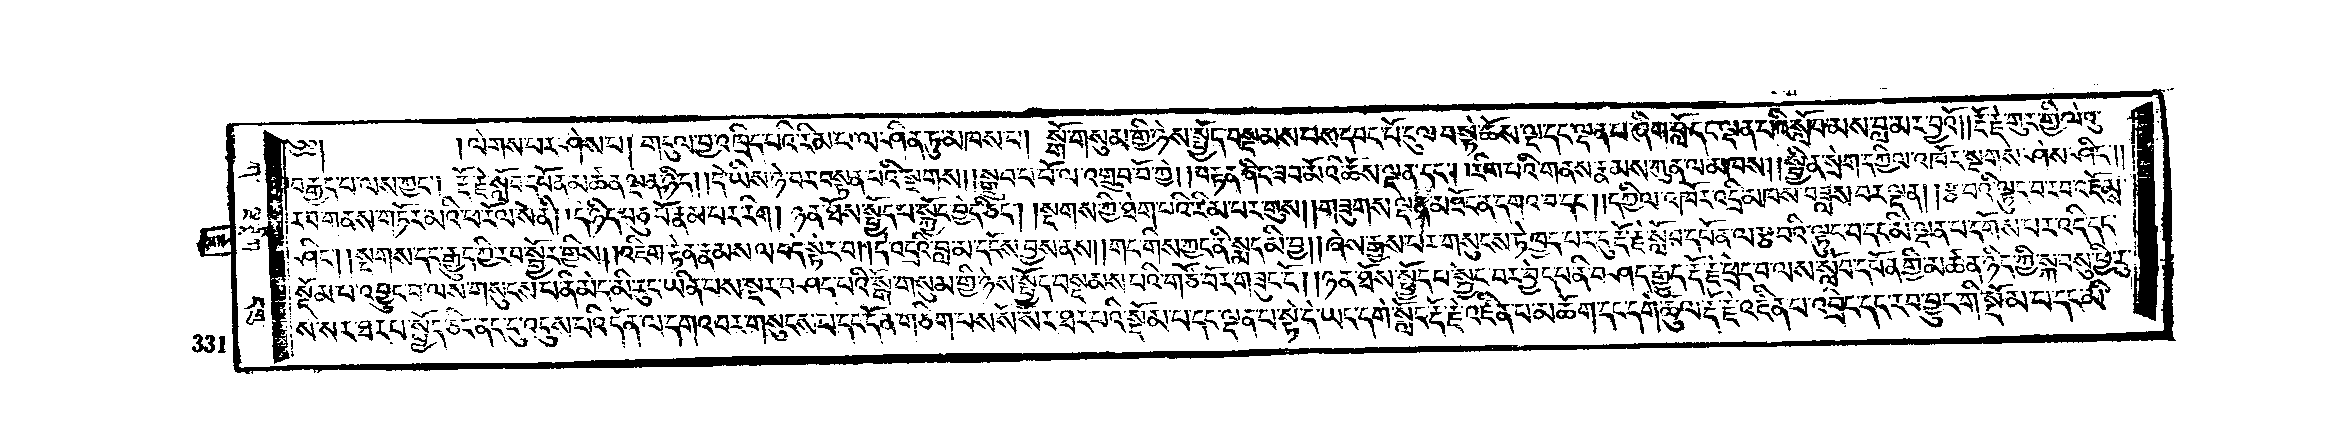༄༅། །ལེགས་པར་ཤེས་པ། གདུལ་བྱ་འཁྲིད་པའི་རིམ་པ་ལ་ཤིན་ཏུ་མཁས་པ། སྒོ་གསུམ་གྱི་ཉེས་སྤྱོད་བསྡམས་པས་དབང་པོ་དུལ་བ་སྟེ་ཆོས་ལྔ་དང་ལྡན་པ་ཞིག་བློ་དང་ལྡན་པའི་སློབ་མས་བླ་མར་བྱའོ། །རྡོ་རྗེ་གུར་གྱི་ལེའུ་
བརྒྱད་པ་ལས་ཀྱང་། རྡོ་རྗེ་སློབ་དཔོན་མཚན་ལྡན་ཉིད། །དེ་ཡིས་ཉེ་བར་བསྟན་པའི་སྔགས། །སྒྲུབ་པ་པོ་ལ་འགྲུབ་བོ་ཀྱེ། །བརྟན་ཞིང་ཟབ་མོའི་ཆོས་ལྡན་དང་། །རིག་པའི་གནས་རྣམས་ཀུན་ལ་མཁས། །སྦྱིན་སྲེག་དཀྱིལ་འཁོར་སྔགས་ཤེས་ཤིང་། །
རབ་གནས་གཏོར་མའི་ཕ་རོལ་སོ་?་ནི། །དེ་ཉིད་བཅུ་པོ་རྣམ་པར་རིག །ཉན་ཐོས་སྤྱོད་པ་སྐྱོང་བྱེད་ཅིང་། །སྔགས་ཀྱི་ཐེག་པའི་རིམ་པར་གུས། །གཟུགས་ལྡན་མཐོང་ན་དགའ་བ་དང་། །དཀྱིལ་འཁོར་འདྲི་མཁས་བཟླས་བར་ལྡན། །རྩ་བའི་ལྟུང་བ་རབ་འཇོམས་
ཤིང་། །སྔགས་དང་རྒྱུད་ཀྱི་རབ་སྦྱོར་གྱིས། །འཇིག་རྟེན་རྣམས་ལ་བདེ་སྟེར་བ། །དེ་འདྲའི་བླ་མ་དངོས་བྱས་ནས། །གང་གིས་ཀྱང་ནི་སྨད་མི་བྱ། །ཞེས་རྒྱས་པར་གསུངས་ཏེ་ཁྱད་པར་དུ་རྡོ་རྗེ་སློབ་དཔོན་ལ་རྩ་བའི་ལྟུང་བ་དང་མི་ལྡན་པ་དགོས་པར་འདི་དང་
སྡོམ་པ་འབྱུང་བ་ལས་གསུངས་པ་ནི་མེད་མི་རུང་ཡིན་པས་སྔར་བཤད་པའི་སྒོ་གསུམ་གྱི་ཉེས་སྤྱོད་བསྡམས་པའི་གཙོ་བོར་གཟུང་ངོ། །ཉན་ཐོས་སྤྱོད་པ་སྐྱོང་བར་བྱེད་པ་ནི་བཤད་རྒྱུད་རྡོ་རྗེ་ཕྲེང་བ་ལས་སློབ་དཔོན་གྱི་མཚན་ཉིད་ཀྱི་སྐབས་སུ་ཕྱི་རུ་
ས་སར་ཐར་པ་སྤྱོད་ཅིང་ནང་དུ་འདུས་པའི་དོན་ལ་དགའ་བར་གསུངས་པ་དང་དོན་གཅིག་པས་སོ་སོར་ཐར་པའི་སྡོམ་པ་དང་ལྡན་པ་སྟེ་དེ་ཡང་དགེ་སློང་རྡོ་རྗེ་འཛིན་པ་མཆོག་དང་དགེ་ཚུལ་རྡོ་རྗེ་འཛིན་པ་འབྲིང་དང་རབ་བྱུང་གི་སྡོམ་པ་དང་མི་